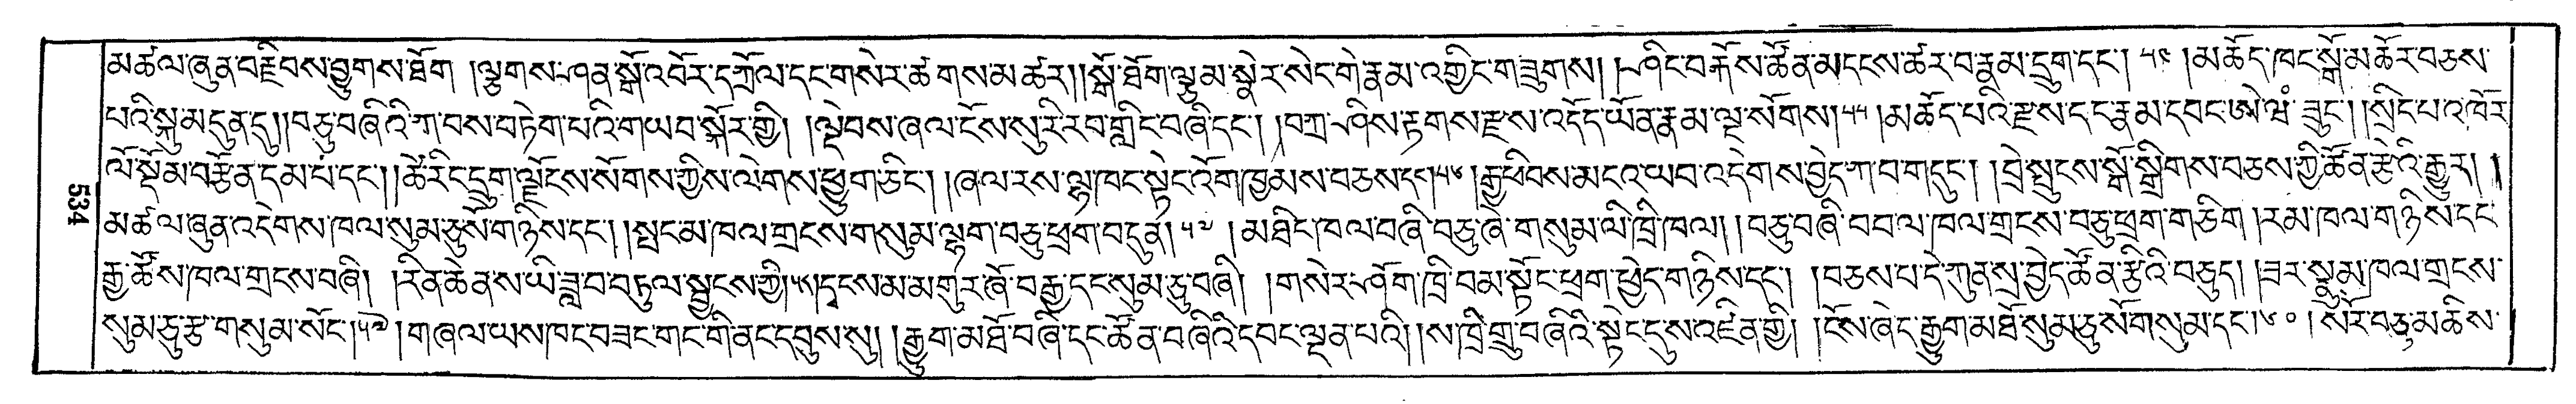མཚལ་ཞུན་བརྗིབས་བྱུགས་ཐོག །ལྕགས་ཤན་སྒོ་འབོར་དཀྲོལ་དང་གསེར་ཚགས་མཚར། །སྒོ་ཐོག་ལྕམ་སྣེར་སེང་གེ་རྣམ་འགྱིང་གཟུགས། །ཤིང་བརྐོས་ཚོན་མདངས་ཚར་བ་རྣམ་དྲུག་དང་། ༥༤་།མཆོད་ཁང་སྒོ་མཆོར་བཅས་
པའི་སྐུ་མདུན་དུ། །བཅུ་བཞིའི་ཀ་བས་བཏེག་པའི་གཡབ་སྐོར་གྱི། །ལྡེབས་ཞལ་ངོས་སུ་རི་རབ་གླིང་བཞི་དང་། །བཀྲ་ཤིས་རྟགས་རྫས་འདོད་ཡོན་རྣམ་ལྔ་སོགས། ༥༥་།མཆོད་པའི་རྫས་དང་རྣམ་དབང་ཨེ་ཝཾ་ཟུང་། །སྲིད་པ་འཁོར་
ལོ་སྡོམ་བརྩོན་དམ་པ་དང་། །ཚེ་རིང་དྲུག་ལྗོངས་སོགས་ཀྱིས་ལེགས་ཕྱུག་ཅིང་། །ཞལ་རས་ལྷ་ཁང་སྟེང་འོག་ཁྱམས་བཅས་དང་། ༥༦་།རྒྱ་ཕིབས་མདའ་ཡབ་འདེགས་བྱེད་ཀ་བ་གདུང་། །བྲེ་སྤུངས་སྒོ་སྒྲིགས་བཅས་ཀྱི་ཚོན་རྩིའི་རྒྱུར། །
མཚལ་ཞུན་འདགས་ཁལ་སུམ་ཅུ་སོ་གཉིས་དང་། །སྤང་མ་ཁལ་གྲངས་གསུམ་ལྷག་བཅུ་ཕྲག་བདུན། ༥༧་།མཐིང་ཁལ་བཞི་བཅུ་ཞེ་གསུམ་ལི་ཁྲི་ཁལ། །བཅུ་བཞི་བབ་ལ་ཁལ་གྲངས་བཅུ་ཕྲག་གཅིག། རམ་ཁལ་གཉིས་དང་
རྒྱ་ཚོས་ཁལ་གྲངས་བཞི། །རིན་ཆེན་ས་ཡེ་ཟླ་བ་བཏུལ་སྦྱངས་ཀྱི། །དྭངས་མ་མགུར་ཞོ་བརྒྱ་དང་སུམ་ཅུ་བཞི། །གསེར་ཤོག་ཁྲི་བམ་སྟོང་ཕྲག་ཕྱེད་གཉིས་དང་། །བཅས་པ་དེ་ཀུན་སྲ་བྱེད་ཚོན་རྩིའི་བཅུད། །ཟར་སྣུམ་ཁལ་གྲངས་
སུམ་ཅུ་རྩ་གསུམ་སོང་། ༥༧་།གཞལ་ཡས་ཁང་བཟང་གང་གི་ནང་དུ་དབུས་སུ། །རྒྱུག་མཐོ་བཞི་དང་ཚོན་བཞིའི་དཔང་ལྡན་པའི། །ས་ཁྲི་གྲུ་བཞིའི་སྟེང་དུ་ས་འཛིན་གྱི། །ངོས་ཞེང་རྒྱུག་མཐོ་སུམ་ཅུ་སོ་གསུམ་དང་། ༦༠་།སོར་བཅུ་མཆིས་